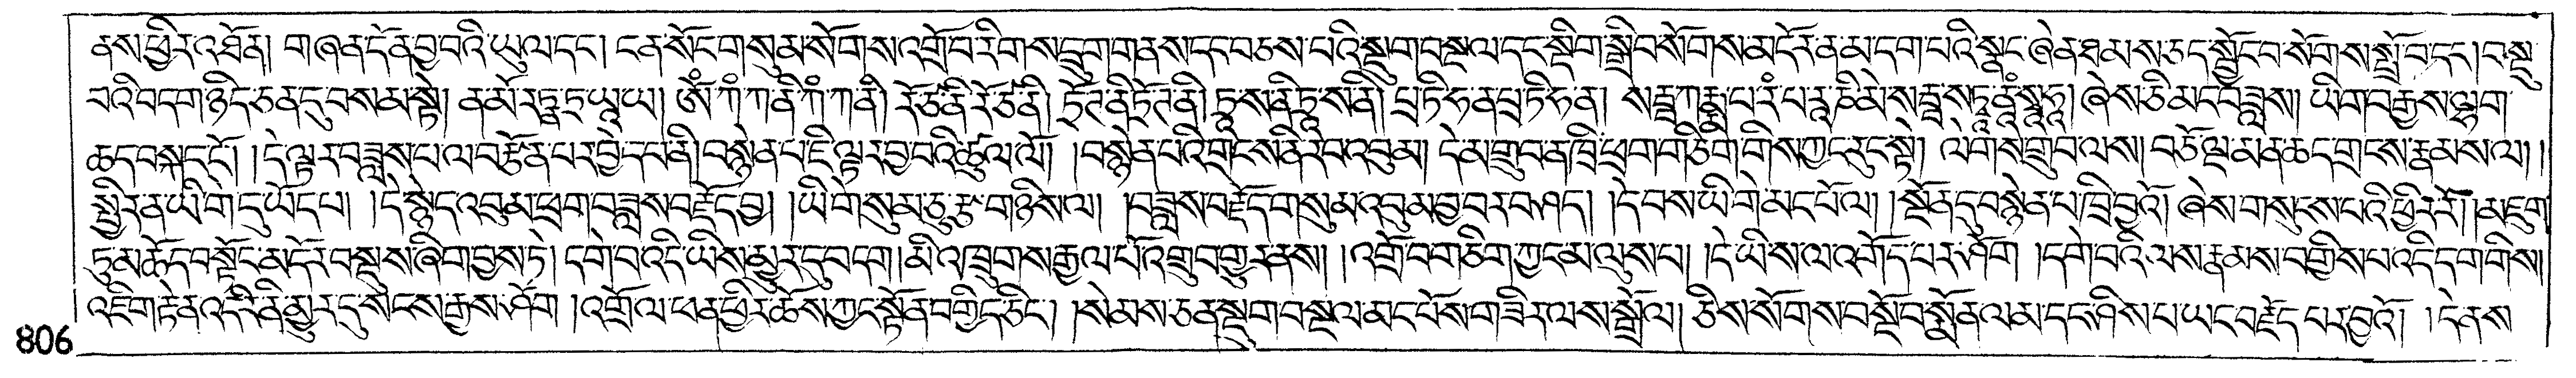ནས་ཕྱིར་འཐོན། གཞན་དོན་བྱ་བའི་ཡུལ་དང་། ངན་སོང་གསུམ་སོགས་འགྲོ་བ་རིགས་དྲུག་གནས་དང་བཅས་པའི་སྡུག་བསྔལ་དང་སྡིག་སྒྲིབ་སོགས་མདོར་ན་མ་དག་པའི་སྣང་ཞེན་ཐམས་ཅད་སྦྱོང་བ་སོགས་སྤྲོ་བ་དང་། བསྡུ་
བའི་བདག་ཉིད་ཅན་དུ་བསམ་སྟེ། ན་མོ་རཏྣ་ཏྲ་ཡཱ་ཡ། ཨོཾ་ཀཾ་ཀ་ནི་ཀཾ་ཀ་ནི། རོ་ཙ་ནི་རོ་ཙ་ནི། ཏྲོ་ཊ་ནི་ཏྲོ་ཊ་ནི། ཏྲཱ་ས་ནི་ཏྲཱ་ས་ནི། པྲ་ཏི་ཧ་ན་པྲ་ཏི་ཧ་ན། སརྦྦ་ཀརྨྨ་པ་རཾ་པ་རཱ་ཎི་མེ་སརྦྦ་སཏྭཱ་ནཱཾ་སྭཱཧཱ། ཞེས་ཅི་མང་བཟླས། ཡིག་བརྒྱས་ལྷག་
ཆད་བསྐང་ངོ། །དེ་ལྟར་བཟླས་པ་ལ་བརྩོན་པར་བྱེད་པ་ནི། བསྙེན་པ་ཇི་ལྟར་བྱ་བའི་ཚུལ་ལོ། །བསྙེན་པའི་གྲངས་ནི་རབ་འབུམ། དེ་མ་གྲུབ་ན་ཁྲི་ཕྲག་གཅིག་གིས་ཀྱང་རུང་སྟེ། ལེགས་གྲུབ་ལས། བཅོ་ལྔ་མན་ཆད་གྲངས་རྣམས་ལ། །
སྤྱིར་ན་ཡི་གེ་དུ་ཡོད་པ། །དེ་སྙེད་འབུམ་ཕྲག་བཟླས་བརྗོད་བྱ། །ཡི་གེ་སུམ་ཅུ་རྩ་གཉིས་ལ། །བཟླས་བརྗོད་གསུམ་འབུམ་བྱ་བར་བཤད། །དེ་བས་ཡི་གེ་མང་པོ་ལ། །སྔོན་དུ་བསྙེན་པ་ཁྲི་བྱའོ། ཞེས་གསུངས་པའི་ཕྱིར་རོ། །མཇུག་
ཏུ་མཆོད་བསྟོང་མདོར་བསྡུས་ཞིག་བྱས་ཏེ། དགེ་བ་འདི་ཡིས་མྱུར་དུ་བདག །མི་འཁྲུགས་རྒྱལ་པོ་འགྲུབ་གྱུར་ནས། །འགྲོ་བ་གཅིག་ཀྱང་མ་ལུས་པ། །དེ་ཡི་ས་ལ་འགོད་པར་ཤོག །དགེ་བའི་ལས་རྣམས་བགྱིས་པ་འདི་དག་གིས།
འཇིག་རྟེན་འདིར་ནི་མྱུར་དུ་སངས་རྒྱས་ཤོག །འགྲོ་ལ་ཕན་ཕྱིར་ཆོས་ཀྱང་སྟོན་བགྱིད་ཅིང་། །སེམས་ཅན་སྡུག་བསྔལ་མང་པོས་གཟིར་ལས་སྒྲོལ། ཅིས་སོགས་བསྔོ་བ་སྨོན་ལམ་དང་ཤིས་པ་ཡང་བརྗོད་པར་བྱའོ། །དེ་ནས་